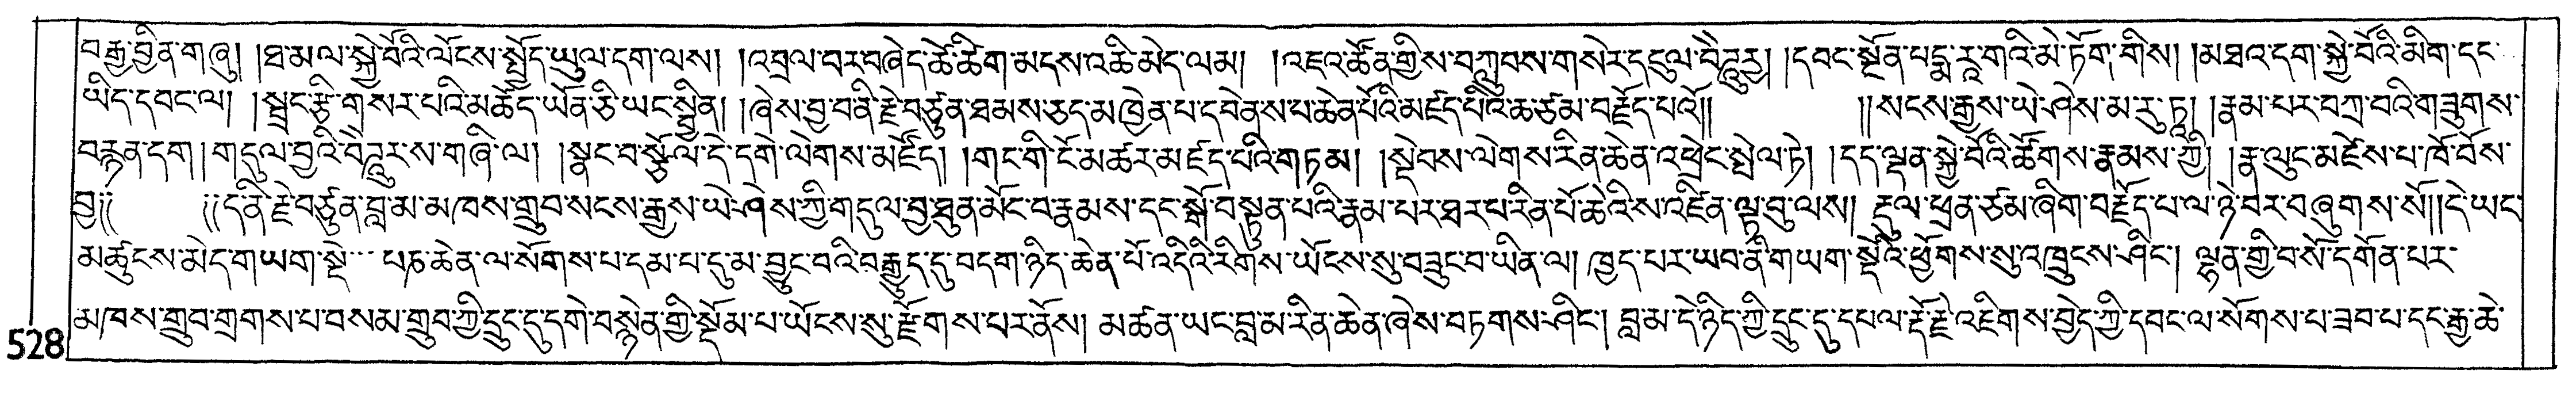བརྒྱ་བྱིན་གཞུ། །ཐ་མལ་སྐྱེ་བོའི་ལོངས་སྤྱོད་ཡུལ་དག་ལས། །འབྲལ་བར་བཞེད་ཚེ་ཚིག་མདས་འཆི་མེད་ལམ། །འཇའ་ཚོན་གྱིས་བཀླུབས་གསེར་དངུལ་བཻཌཱུརྱ། །དབང་སྔོན་པདམ་རཱ་གའི་མེ་ཏོག་གིས། །མཐའ་དག་སྐྱེ་བོའི་མིག་དང་
ཡིད་དབང་ལ། །སྦྲང་རྩི་གསར་པའི་མཆོད་ཡོན་ཅི་ཡང་སྦྱིན། །ཞེས་བྱ་བ་ནི་རྗེ་བཙུན་ཐམས་ཅད་མཁྱེན་པ་དབེན་ས་པ་ཆེན་པོའི་མཛད་པའི་ཆ་ཙམ་བརྗོད་པའོ།། །།སངས་རྒྱས་ཡེ་ཤེས་མ་རུ་ཏཱ། །རྣམ་པར་བཀྲ་བའི་གཟུགས་
བརྙན་དག །གདུལ་བྱའི་བཻཌཱུར་ས་གཞི་ལ། །སྣང་བ་སྩོལ་དེ་དགེ་ལེགས་མཛོད། །གང་གི་ངོ་མཚར་མཛད་པའི་གཏམ། །སྡེབས་ལེགས་རིན་ཆེན་འཕྲེང་སྤེལ་ཏེ། །དད་ལྡན་སྐྱེ་བོའི་ཚོགས་རྣམས་ཀྱི། །རྣ་ལུང་མཛེས་པ་ཁོ་བོས་
བྱ།། །།ད་ནི་རྗེ་བཙུན་བླ་མ་མཁས་གྲུབ་སངས་རྒྱས་ཡེ་ཤེས་ཀྱི་གདུལ་བྱ་ཐུན་མོང་བ་རྣམས་དང་སྒོ་བསྟུན་པའི་རྣམ་པར་ཐར་པ་རིན་པོ་ཆེའི་ས་འཛིན་ལྟ་བུ་ལས། རྡུལ་ཕྲན་ཙམ་ཞིག་བརྗོད་པ་ལ་ཉེ་བར་བཞུགས་སོ། །དེ་ཡང་
མཚུངས་མེད་གཡག་སྡེ་པཎ་ཆེན་ལ་སོགས་པ་དམ་པ་དུ་མ་བྱུང་བའི་བརྒྱུད་དུ་བདག་ཉིད་ཆེན་པོ་འདིའི་རིགས་ཡོངས་སུ་བཟུང་བ་ཡིན་ལ། ཁྱད་པར་ཡབ་ནི་གཡག་སྡེའི་ཕྱོགས་སུ་འཁྲུངས་ཤིང་། ལྷན་གྱི་བ་སོ་དགོན་པར་
མཁས་གྲུབ་གྲགས་པ་བསམ་གྲུབ་ཀྱི་དྲུང་དུ་དགེ་བསྙེན་གྱི་སྡོམ་བྱེད་ཀྱི་དབང་ལ་སོགས་པ་ཟབ་པ་དང་རྒྱ་ཆེ་བཏགས་ཤིང་། བླ་མ་དེ་ཉིད་ཀྱི་དྲུང་དུ་དཔལ་རྡོ་རྗེ་འཇིགས་བྱེད་ཀྱི་དབང་ལ་སོགས་པ་ཟབ་པ་དང་རྒྱ་ཆེ་